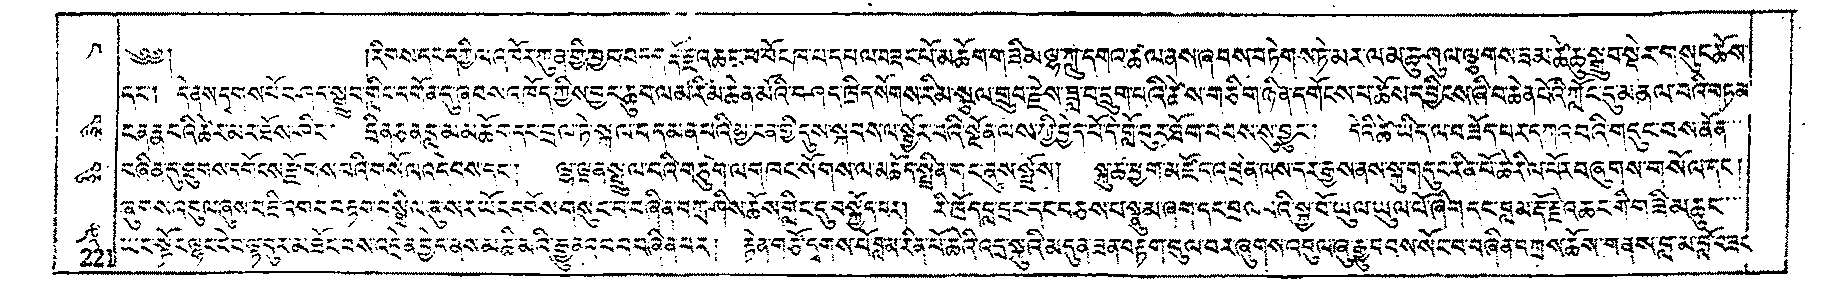༄༅། །རིགས་དང་དཀྱིལ་འཁོར་ཀུན་གྱི་ཁྱབ་བདག་རྡོ་རྗེ་འཆང་ཕ་བོང་ཁ་པ་དཔལ་བཟང་པོ་མཆོག་གཟིམ་ལྷ་ཀླུ་དགའ་ཚལ་ནས་ཞབས་བཏེགས་ཏེ་མར་ལམ་ཆུ་ཤུལ་ལྕགས་ཟམ་ཚེ་ཆུ་སྒྲུབ་སྡེར་གསུང་ཆོས་
དང་། དེ་ནས་དྭགས་པོ་བཤད་སྒྲུབ་གླིང་དགོན་དུ་ཞབས་འཁོད་ཀྱིས་བྱང་ཆུབ་ལམ་རིམ་ཆེན་མོའི་བཤད་ཁྲིད་སོགས་རིམ་སྩལ་གྲུབ་རྗེས་ཟླ་བ་དྲུག་པའི་ཚེས་གཅིག་ཉིན་དགོངས་པ་ཆོས་དབྱིངས་ཞིབ་ཆེན་པོའི་ཀློང་དུ་མནལ་བའི་གཏམ་
ངན་རྣ་བའི་ཚེར་མར་ཐོས་ཤིང་། དྲིན་ཅན་བླ་མ་མཆོག་དང་བྲལ་ཏེ་སྐལ་བ་དམན་པའི་མྱ་ངན་གྱི་དུས་སྐབས་ལ་སྦྱོར་བའི་སྔོན་ལས་ཀྱི་བྱེད་པོ་དེ་གློ་བུར་ཐོག་བབས་སུ་བྱུང་། དེའི་ཚེ་ཡིད་ལ་བཟོད་པར་དཀའ་བའི་གདུང་བས་ནོན་
བཞིན་དུ་ཐུགས་དགོངས་རྫོགས་པའི་གསོལ་འདེབས་དང་། ལྷ་ལྡན་སྤྲུལ་པའི་གཙུག་ལག་ཁང་སོགས་ལ་མཆོད་སྤྲིན་གང་ནུས་སྤྲོས། སྐུ་ཚ་ཕྱག་མཛོད་འཕྲིན་ལས་དར་རྒྱས་ནས་སྐུ་གདུང་རིན་པོ་ཆེ་རིལ་པོར་བཞུགས་གསོལ་དང་།
ཞུགས་འབུལ་ཞུས་པ་ཇི་འགབ་བརྟག་བསྒྲིལ་ཞུ་སར་ཡོང་དགོས་གསུང་བ་བཞིན་བཀྲ་ཤིས་ཆོས་གླིང་དུ་བསྐྱོད་པར། རི་ཁྲོད་བླ་བྲང་དང་བཅས་པ་སྣུམ་ཞག་དང་བྲལ་བའི་སྐྱ་བོ་ཡུལ་ཡུལ་པོ་ཞིག་དང་བླ་མ་རྡོ་རྗེ་འཆང་གི་གཟིམ་ཆུང་
ཡང་སྟོང་ལྷང་ངེ་བ་ལྟ་བུར་མཐོང་བས་འདྲེན་བྱེད་ནས་མཆི་མའི་རྒྱུན་འབབ་བཞིན་པར། རྟེན་གཙོ་དྭགས་པོ་བླ་མ་རིན་པོ་ཆེའི་འདྲ་སྐུའི་མདུན་ཟན་བརྟག་ཕུལ་བར་ཞུགས་འབུལ་ཞུ་རྒྱུ་བབས་སོང་བ་བཞིན་བཀྲས་ཆོས་གནས་བླ་མ་བློ་བཟང་